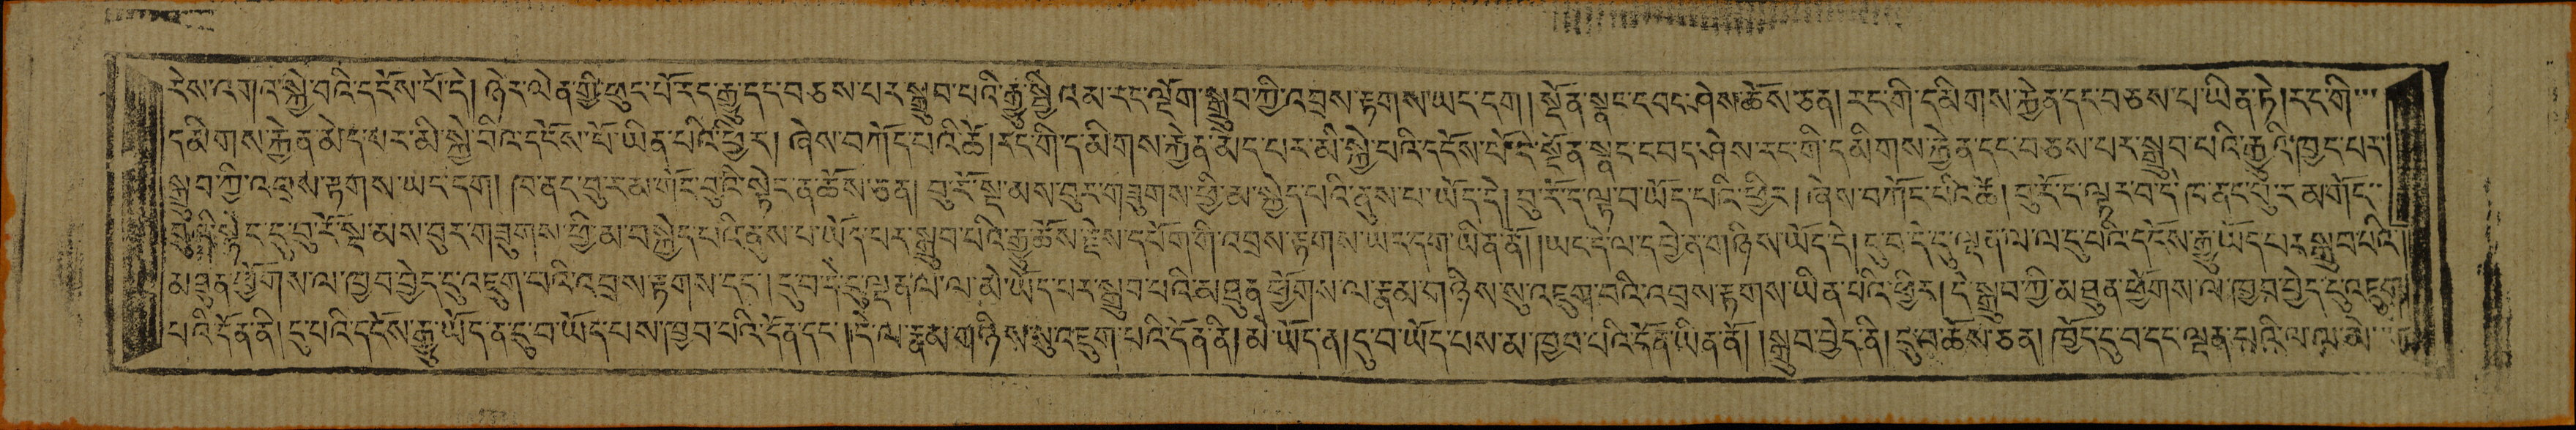རེས་འགའ་སྐྱེ་བའི་དངོས་པོ་དེ། ཉེར་ལེན་གྱི་ཕུང་པོ་རང་རྒྱུ་དང་བཅས་པར་སྒྲུབ་པའི་རྒྱུ་སྤྱིའམ་རང་ལྡོག་སྒྲུབ་ཀྱི་འབྲས་རྟགས་ཡང་དག །སྔོན་སྣང་དབང་ཤེས་ཆོས་ཅན། རང་གི་དམིགས་རྐྱེན་དང་བཅས་པ་ཡིན་ཏེ། རང་གི་
དམིགས་རྐྱེན་མེད་པར་མི་སྐྱེ་བའི་དངོས་པོ་ཡིན་པའི་ཕྱིར། ཞེས་བཀོད་པའི་ཚེ། རང་གི་དམིགས་རྐྱེན་མེད་པར་མི་སྐྱེ་བའི་དངོས་པོ་དེ་སྔོན་སྣང་དབང་ཤེས་རང་གི་དམིགས་རྐྱེན་དང་བཅས་པར་སྒྲུབ་པའི་རྒྱུའི་ཁྱད་པར་
སྒྲུབ་ཀྱི་འབྲས་རྟགས་ཡང་དག །ཁ་ནང་བུ་རམ་གོང་བུའི་སྟེང་ན་ཆོས་ཅན། བུ་རོ་སྔ་མས་བུར་གཟུགས་ཕྱི་མ་སྐྱེད་པའི་ནུས་པ་ཡོད་དེ། བུ་རོ་ད་ལྟ་བ་ཡོད་པའི་ཕྱིར། ཞེས་བཀོད་པའི་ཚེ། བུ་རོ་ད་ལྟར་བ་དེ་ཁ་ནང་བུ་རམ་གོང་
བུའི་སྟེང་དུ་བུ་རོ་སྔ་མས་བུར་གཟུགས་ཕྱི་མ་བསྐྱེད་པའི་ནུས་པ་ཡོད་པར་སྒྲུབ་པའི་རྒྱུ་ཆོས་རྗེས་དཔོག་གི་འབྲས་རྟགས་ཡང་དག་ཡིན་ནོ། །ཡང་དེ་ལ་དབྱེ་ན་གཉིས་ཡོད་དེ། དུ་བ་དེ་དུ་ལྡན་ལ་ལ་དུ་བའི་དངོས་རྒྱུ་ཡོད་པར་སྒྲུབ་པའི་
མཐུན་ཕྱོགས་ལ་ཁྱབ་བྱེད་དུ་འཇུག་པའི་འབྲས་རྟགས་དང་། དུ་བ་དེ་དུ་ལྡན་ལ་ལ་མེ་ཡོད་པར་སྒྲུབ་པའི་མཐུན་ཕྱོགས་ལ་རྣམ་གཉིས་སུ་འཇུག་པའི་འབྲས་རྟགས་ཡིན་པའི་ཕྱིར། དེ་སྒྲུབ་ཀྱི་མཐུན་ཕྱོགས་ལ་ཁྱབ་བྱེད་དུ་འཇུག་
པའི་དོན་ནི། དུ་བའི་དངོས་རྒྱུ་ཡོད་ན་དུ་བ་ཡོད་པས་ཁྱབ་པའི་དོན་དང་། དེ་ལ་རྣམ་གཉིས་སུ་འཇུག་པའི་དོན་ནི། མེ་ཡོད་ན། དུ་བ་ཡོད་པས་མ་ཁྱབ་པའི་དོན་ཡིན་ནོ། །སྒྲུབ་བྱེད་ནི། དུ་བ་ཆོས་ཅན། ཁྱོད་དུ་བ་དང་ལྡན་པའི་ལ་ལ་མེ་